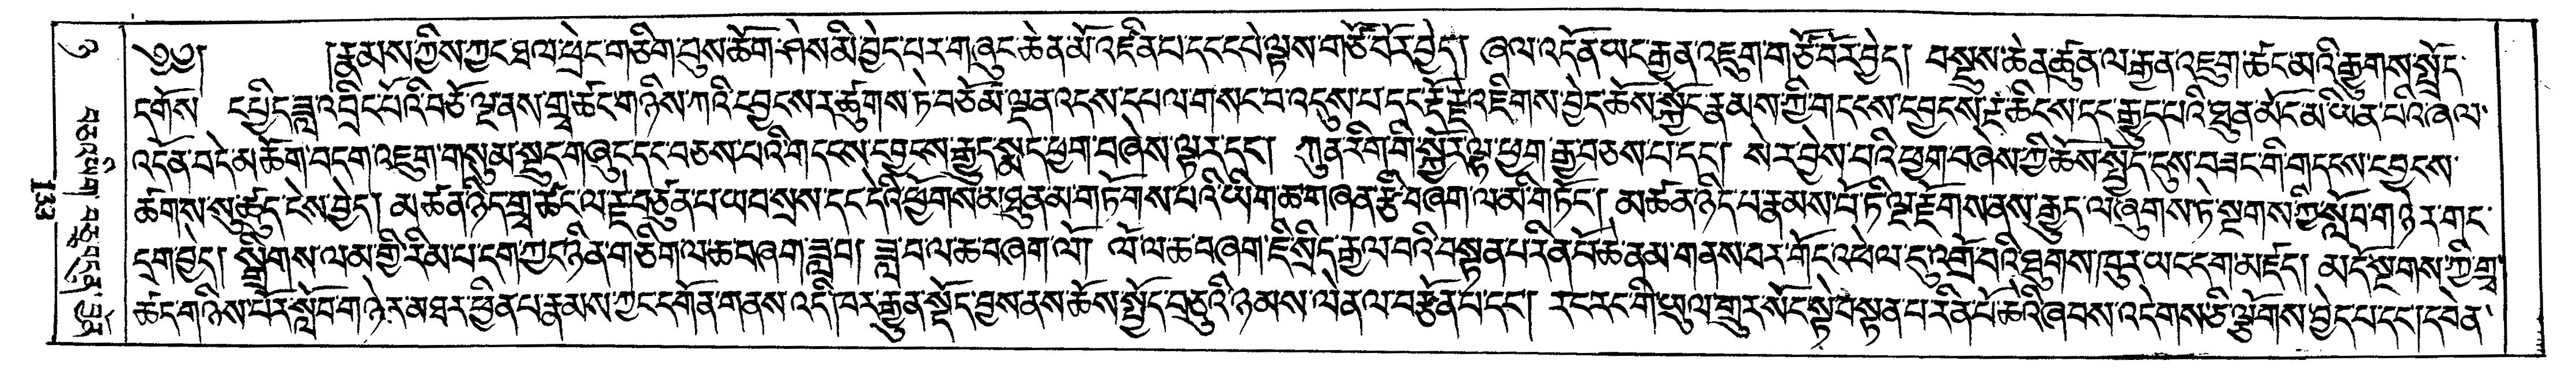༄༅། །རྣམས་ཀྱིས་ཀྱང་ཐལ་ཕྲེང་གཅིག་པུས་ཆོག་ཤེས་མི་བྱེད་པར་གཞུང་ཆེན་མོ་འཛིན་པ་དང་དཔེ་ལྟས་གཙོ་བོར་བྱེད། ཞལ་འདོན་ཡང་རྒྱན་འཇུག་གཙོ་བོར་བྱེད། བསྡུས་ཚན་ཚུན་ལ་རྒྱན་འཇུག་ཚང་མའི་རྒྱུགས་སྤྲོད་
དགོས། དཔྱིད་ཟླ་འབྲིང་པོའི་བཅོ་ལྔ་ནས་གྲྭ་ཚང་གཉིས་ཀའི་དབྱངས་ར་ཚུགས་ཏེ་བཅོམ་ལྡན་འདས་དཔལ་གསང་བ་འདུས་པ་དང་རྡོ་རྗེ་འཇིགས་བྱེད་ཆོས་སྐྱོང་རྣམས་ཀྱི་གདངས་དབྱངས་རྔ་ཆིངས་དང་རྒྱུད་པའི་ཐུན་མོང་མ་ཡིན་པའི་ཞལ་
འདོན་བདེ་མཆོག་བདག་འཇུག་གསུམ་སྡུད་གཞུང་དང་བཅས་པའི་གདངས་དབྱངས་རྒྱུད་སྨད་ཕྱག་བཞེས་ལྟར་དང་། ཀུན་རིག་གི་སྐྱོར་ལྟ་ཕྱག་རྒྱ་བཅས་པ་དང་། སེ་ར་བྱེས་པའི་ཕྱག་བཞེས་ཀྱི་ཆོས་སྤྱོད་དུས་བཟང་གི་གདངས་དབྱངས་
ཚགས་སུ་ཚུང་ངེས་བྱེད། མཚན་ཉིད་གྲྭ་ཚང་ལ་རྗེ་བཙུན་པ་ཡབ་སྲས་དང་དེའི་ཕྱོགས་མཐུན་མ་གཏོགས་པའི་ཡིག་ཆ་གཞན་རྩི་བཞག་ལ་མི་གཏོང་། མཚན་ཉིད་བ་རྣམས་པོ་ཏི་ལྔ་རྫོགས་ནས་རྒྱུད་ལ་ཞུགས་ཏེ་སྔགས་ཀྱི་སློབ་གཉེར་གང་
དྲག་བྱེད། སྒྲིགས་ལམ་གྱི་རིམ་པ་དག་ཀྱང་ཉིན་གཅིག་ལ་ཆ་བཞག་ཟླ་བ། ཟླ་བ་ལ་ཆ་བཞག་ལོ། ལོ་ལ་ཆ་བཞག་ཇི་སྲིད་རྒྱལ་བའི་བསྟན་པ་རིན་པོ་ཆེ་ནམ་གནས་པར་གོང་འཕེལ་དུ་འགྲོ་བའི་ཐུགས་ཁུར་ཡང་དག་མཛད། མདོ་སྔགས་ཀྱི་གྲྭ་
ཚང་གཉིས་པོར་སློབ་གཉེར་མཐར་ཕྱིན་པ་རྣམས་ཀྱང་དགོན་གནས་འདི་ཁར་རྒྱུན་སྡོད་བྱས་ནས་ཆོས་སྤྱོང་བཅུའི་ཉམས་ལེན་ལ་བརྩོན་པ་དང་། རང་རང་གི་ཡུལ་གྲུར་སོང་སྟེ་བསྟན་པ་རིན་པོ་ཆེའི་ཞབས་འདེགས་ཅི་ལྕོགས་བྱེད་པ་དང་། དབེན་